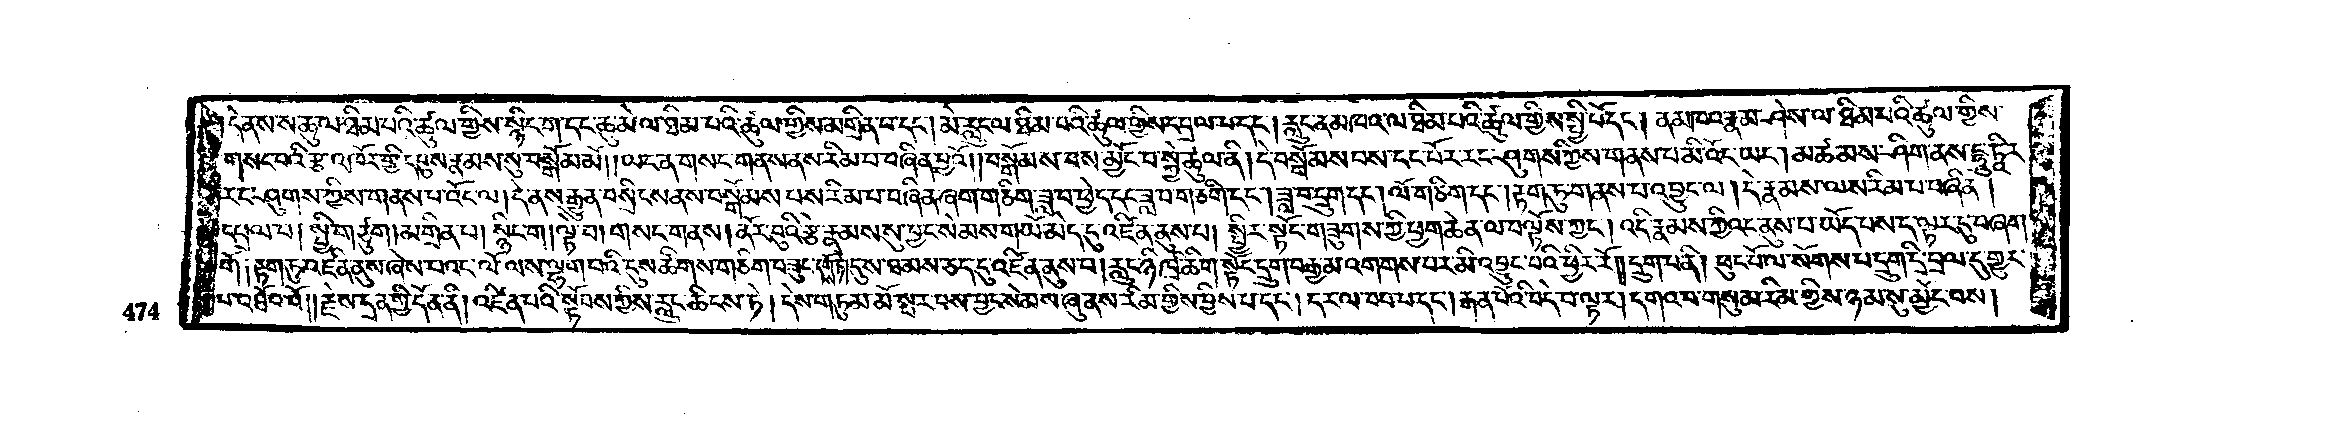དེ་ནས་ས་ཆུ་ལ་ཐིམ་པའི་ཚུལ་གྱིས་སྙིང་ག་དང་ཆུ་མེ་ལ་ཐིམ་པའི་ཚུལ་གྱིས་མགྲིན་པ་དང་། མེ་རླུང་ལ་ཐིམ་པའི་ཚུལ་གྱིས་དཔྲལ་པ་དང་། རླུང་ནམ་མཁའ་ལ་ཐིམ་པའི་ཚུལ་གྱིས་སྤྱི་བོ་དང་། ནམ་མཁའ་རྣམ་ཤེས་ལ་ཐིམ་པའི་ཚུལ་གྱིས་
གསང་བའི་རྩ་འཁོར་གྱི་དབུས་རྣམས་སུ་བསྒོམ་མོ། །ཡང་ན་གསང་གནས་ནས་རིམ་པ་བཞིན་བྱའོ། །བསྒོམས་པས་མྱོང་བ་སྐྱེ་ཚུལ་ནི། དེ་བསྒོམས་པས་དང་པོར་རང་ཤུགས་ཀྱིས་གནས་པ་མི་འོང་ཡང་། མཚམས་ཤིག་ནས་དྷཱུ་ཏཱིར་
རང་ཤུགས་ཀྱིས་གནས་པ་འོང་ལ། དེ་ནས་རྒྱུན་བསྲིངས་ནས་བསྒོམས་པས་རིམ་པ་བཞིན་ཞག་གཅིག་ཟླ་བ་ཕྱེད་དང་ཟླ་བ་གཅིག་དང་། ཟླ་བ་དྲུག་དང་། ལོ་གཅིག་དང་། རྟག་ཏུ་གནས་པ་འབྱུང་ལ། དེ་རྣམས་ལས་རིམ་པ་བཞིན།
དཔྲལ་པ། སྤྱི་གཙུག །མགྲིན་པ། སྙིང་ག །ལྟེ་བ། གསང་གནས། ནོར་བུའི་རྩེ་རྣམས་སུ་བྱང་སེམས་གཡོ་མེད་དུ་འཛིན་ནུས་པ། སྤྱིར་སྟོང་གཟུགས་ཀྱི་ཕྱག་ཆེན་ལ་བལྟོས་ཀྱང་། འདི་རྣམས་ཀྱིའང་ནུས་པ་ཡོད་པས་ད་ལྟར་དུ་བཞག་
གོ ། རྟག་ཏུ་འཛིན་ནུས་ཞེས་པའང་ལོ་ལས་ལྷག་པའི་དུས་ཚིགས་གཅིག་བཟུང་དགོས་ཏེ། དུས་ཐམས་ཅད་དུ་འཛིན་ནུས་པ། རླུང་ཉི་ཁྲི་ཆིག་སྟོང་དྲུག་བརྒྱ་མ་འགགས་པར་མི་འབྱུང་བའི་ཕྱིར་རོ། །དྲུག་པ་ནི། ཕུང་པོ་ལ་སོགས་པ་དྲུག་དྲི་བྲལ་དུ་གྱུར་
པ་འཐོབ་བོ། །རྗེས་དྲན་གྱི་དོན་ནི། འཛིན་པའི་སྟོབས་ཀྱིས་རླུང་ཆིངས་ཏེ། དེས་གཏུམ་མོ་སྤར་བས་བྱང་སེམས་ཞུ་ནས་རིམ་གྱིས་བྱིས་པ་དང་། དར་ལ་བབ་པ་དང་། རྒན་པོའི་བདེ་བ་ལྟར། དགའ་བ་གསུམ་རིམ་གྱིས་ཉམས་སུ་མྱོང་བས།